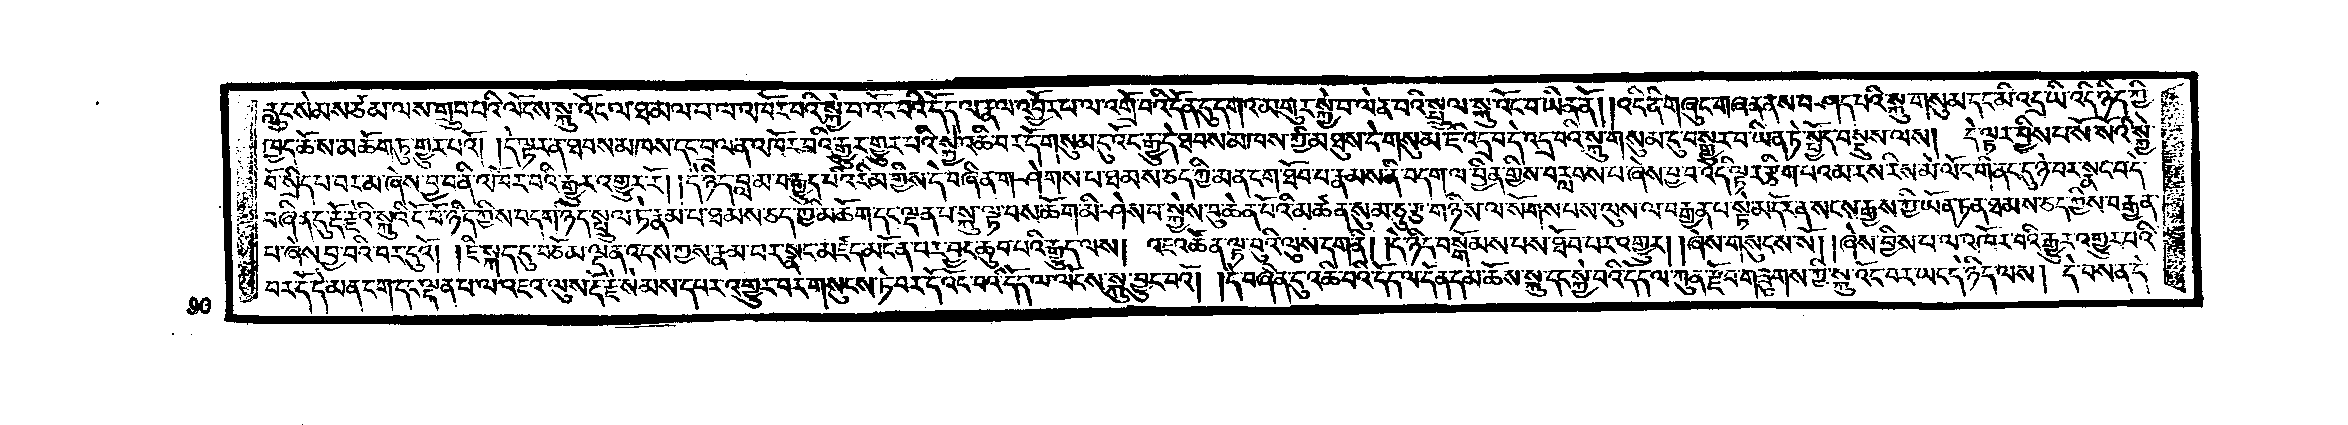རླུང་སེམས་ཙམ་ལས་གྲུབ་པའི་ལོངས་སྐུ་འོང་ལ་ཐ་མལ་པ་ལ་འཁོར་བའི་སྐྱེ་བ་འོང་བའི་དོད་ལ་རྣལ་འབྱོར་པ་ལ་འགྲོ་བའི་དོན་དུ་དགའ་མགུར་སྐྱེ་བ་ལེན་པའི་སྤྲུལ་སྐུ་འོང་བ་ཡིན་ནོ། །འདི་ནི་གཞུང་གཞན་ནས་བཤད་པའི་སྐུ་གསུམ་དང་མི་འདྲ་ཡི་འདི་ཉིད་ཀྱི་
ཁྱད་ཆོས་མཆོག་ཏུ་གྱུར་པའོ། །དེ་ལྟར་ན་ཐབས་མཁས་དང་བྲལ་ན་འཁོར་བའི་རྒྱུར་གྱུར་པའི་སྐྱེ་འཆི་བར་དོ་གསུམ་དུ་འོང་རྒྱུ་དེ་ཐབས་མཁས་ཀྱི་མཐུས་དེ་གསུམ་ཇི་འདྲ་བ་དེ་འདྲ་བའི་སྐུ་གསུམ་དུ་བསྒྱུར་བ་ཡིན་ཏེ་སྤྱོད་བསྡུས་ལས། དེ་ལྟར་བྱིས་པ་སོ་སོའི་སྐྱེ་
བོ་སྲིད་པ་བར་མ་ཞེས་བྱ་བ་ནི་འཁོར་བའི་རྒྱུར་འགྱུར་རོ། །དེ་ཉིད་བླ་མ་བརྒྱུད་པའི་རིམ་གྱིས་དེ་བཞིན་གཤེགས་པ་ཐམས་ཅད་ཀྱི་མན་ངག་ཐོབ་པ་རྣམས་ནི་བདག་ལ་བྱིན་གྱིས་བརླབས་པ་ཞེས་བྱ་བ་འདི་ལྟར་རྩིག་པའམ་རས་རིས་མེ་ལོང་གི་ནང་དུ་ཉེ་བར་སྣང་བ་དེ་
བཞིན་དུ་རྡོ་རྗེའི་སྐུའི་ངོ་བོ་ཉིད་ཀྱིས་བདག་ཉིད་སྤྲུལ་ཏེ་རྣམ་པ་ཐམས་ཅད་ཀྱི་མཆོག་དང་ལྡན་པ་སྐུ་ལྟ་བས་ཆོག་མི་ཤེས་པ་སྐྱེས་བུ་ཆེན་པོའི་མཚན་སུམ་ཅུ་རྩ་གཉིས་ལ་སོགས་པས་ལུས་ལ་བརྒྱན་པ་སྟེ་མདོར་ན་སངས་རྒྱས་ཀྱི་ཡོན་ཏན་ཐམས་ཅད་ཀྱིས་བརྒྱན་
པ་ཞེས་བྱ་བའི་བར་དུའོ། །ཇི་སྐད་དུ་བཅོམ་ལྡན་འདས་ཀྱིས་རྣམ་པར་སྣང་མཛད་མངོན་པར་བྱང་ཆུབ་པའི་རྒྱུད་ལས། འཇའ་ཚོན་ལྟ་བུའི་ལུས་དག་ནི། །དེ་ཉིད་བསྒོམས་པས་ཐོབ་པར་འགྱུར། །ཞེས་གསུངས་སོ། །ཞེས་བྱིས་པ་ལ་འཁོར་བའི་རྒྱུར་འགྱུར་པའི་
བར་དོ་དེ་མན་ངག་དང་ལྡན་པ་ལ་འཇའ་ལུས་རྡོ་རྗེ་སེམས་དཔར་འགྱུར་བར་གསུངས་ཏེ་བར་དོ་འོང་བའི་དོད་ལ་ལེངས་སྐུ་བྱུང་བའོ། །དེ་བཞིན་དུ་འཆི་བའི་དོད་ལ་དོན་དམ་ཆོས་སྐུ་དང་སྐྱེ་བའི་དོད་ལ་ཀུན་རྫོབ་གཟུགས་ཀྱི་སྐུ་འོང་བར་ཡང་དེ་ཉིད་ལས། དེ་བས་ན་དེ་